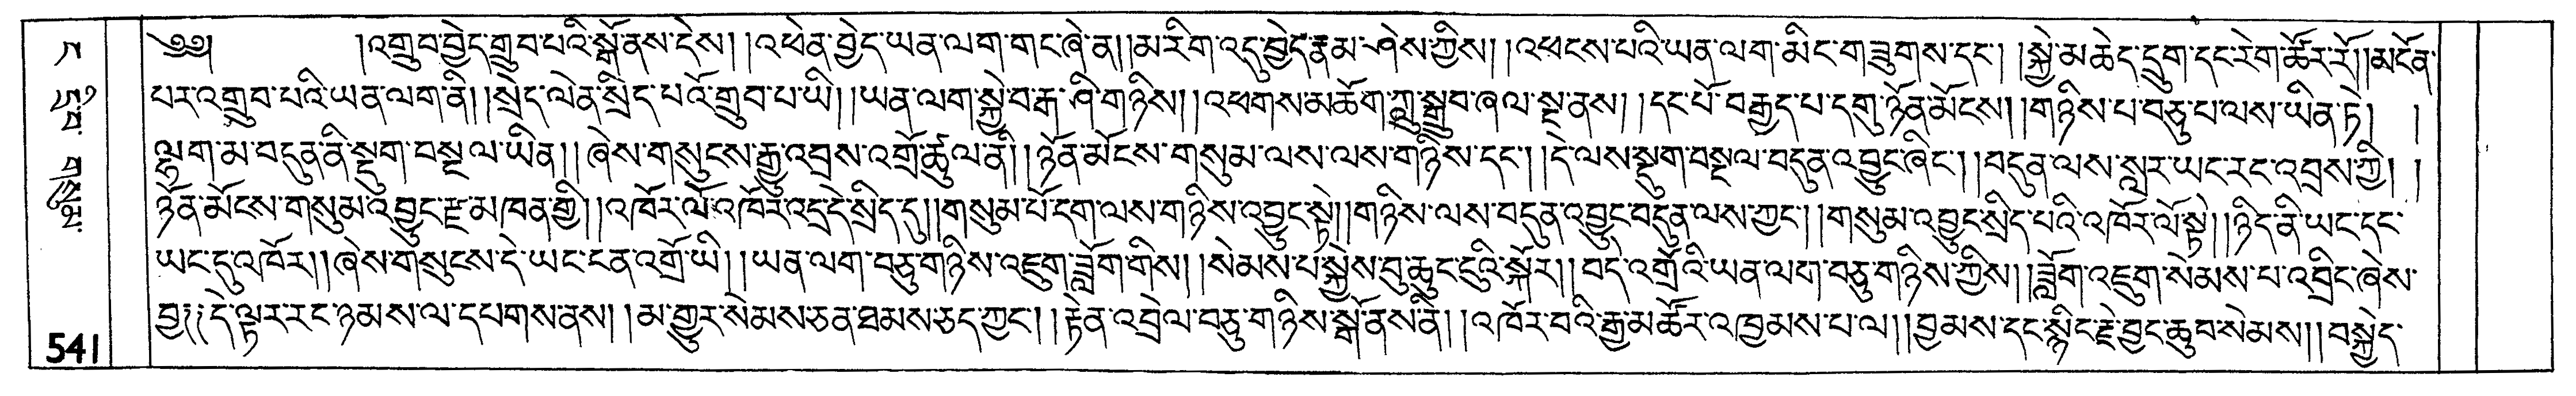༄༅། །འགྲུབ་བྱེད་གྲུབ་པའི་སྒོ་ནས་དེས། །འཕེན་བྱེད་ཡན་ལག་གང་ཞེ་ན། །མ་རིག་འདུ་བྱེད་རྣམ་ཤེས་ཀྱིས། །འཕངས་པའི་ཡན་ལག་མིང་གཟུགས་དང་། །སྐྱེ་མཆེད་དྲུག་དང་རེག་ཚོར་རོ། །མངོན་
པར་འགྲུབ་པའི་ཡན་ལག་ནི། །སྲེད་ལེན་སྲིད་པའོ་གྲུབ་པ་ཡི། །ཡན་ལག་སྐྱེ་བ་རྒ་ཤི་གཉིས། །འཕགས་མཆོག་ཀླུ་སྒྲུབ་ཞལ་སྔ་ནས། །དང་པོ་བརྒྱད་པ་དགུ་ཉོན་མོངས། །གཉིས་པ་བཅུ་པ་ལས་ཡིན་ཏེ། །
ལྷག་མ་བདུན་ནི་སྡུག་བསྔལ་ཡིན། །ཞེས་གསུངས་རྒྱུ་འབྲས་འགྲོ་ཚུལ་ནི། །ཉོན་མོངས་གསུམ་ལས་ལས་གཉིས་དང་། །དེ་ལས་སྡུག་བསྔལ་བདུན་འབྱུང་ཞིང་། །བདུན་ལས་སླར་ཡང་རང་འབྲས་ཀྱི། །
ཉོན་མོངས་གསུམ་འབྱུང་རྫ་མཁན་གྱི། །འཁོར་ལོ་འཁོར་འདྲ་དེ་སྲིད་དུ། །གསུམ་པོ་དག་ལས་གཉིས་འབྱུང་སྟེ། །གཉིས་ལས་བདུན་འབྱུང་བདུན་ལས་ཀྱང་། །གསུམ་འབྱུང་སྲིད་པའི་འཁོར་ལོ་སྟེ། །ཉིད་ནི་ཡང་དང་
ཡང་དུ་འཁོར། །ཞེས་གསུངས་དེ་ཡང་ངན་འགྲོ་ཡི། །ཡན་ལག་བཅུ་གཉིས་འཇུག་ཟློག་གིས། །སེམས་པ་སྐྱེས་བུ་ཆུང་ངུའི་སྐོར། །བདེ་འགྲོའི་ཡན་ལག་བཅུ་གཉིས་ཀྱིས། །ཟློག་འཇུག་སེམས་པ་འབྲིང་ཞེས་
བྱ༑ ༑དེ་ལྟར་རང་ཉམས་ལ་དཔགས་ནས། །མ་གྱུར་སེམས་ཅན་ཐམས་ཅད་ཀྱང་། །རྟེན་འབྲེལ་བཅུ་གཉིས་སྒོ་ནས་ནི། །འཁོར་བའི་རྒྱ་མཚོར་འཁྱམས་པ་ལ། །བྱམས་དང་སྙིང་རྗེ་བྱང་ཆུབ་སེམས། །བསྐྱེད་